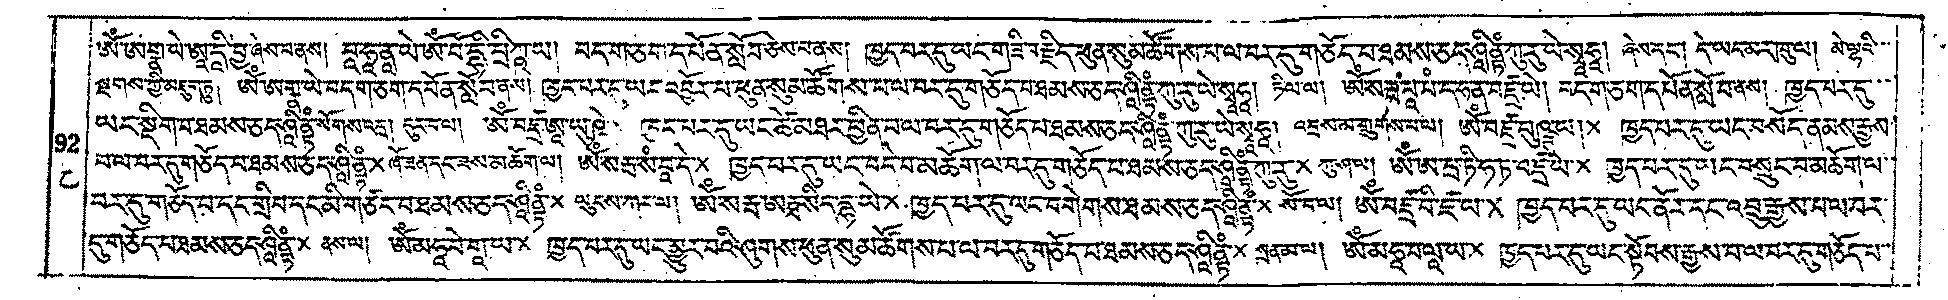ཨོཾ་ཨགན་ཡེ་ཨཱ་དཱི་བྱ་ཞེས་པ་ནས།  བཱ་ཧཱ་ནཱ་ཡེ་ཨོཾ་བོ་དྷི་པྲིཀྵ་ཡ། བདག་ཅག་དཔོན་སློབ་ཅེས་པ་ནས།  ཁྱད་པར་དུ་ཡང་གཟི་བརྗིད་ཕུན་སུམ་ཚོགས་པ་ལ་བར་དུ་གཅོད་པ་ཐམས་ཅད་ཤཱིནྟཾ་ཀུ་རུ་ཡེ་སྭཱ། ཞེས་དང་། དེ་ཡང་མར་ཁུ་ལ། མེ་ལྷའི་
སྔགས་ཀྱི་མཇུག་ཏུ། ཨོཾ་ཨགན་ཡེ་བདག་ཅག་དཔོན་སློབ་ནས། ཁྱད་པར་དུ་ཡང་འབྱོར་པ་ཕུན་སུམ་ཚོགས་པ་ལ་བར་དུ་གཅོད་པ་ཐམས་ཅད་ཤཱིནྟཾ་ཀུ་རུ་ཡེ་སྭཱཧཱ། ཏིལ་ལ།  ཨོཾ་སརྦ་པཱ་པཾ་ད་ཧ་ན་བཛྲ་ཡེ། བདག་ཅག་དཔོན་སློབ་ནས། ཁྱད་པར་དུ་་་
ཡང་སྡིག་པ་ཐམས་ཅད་ཤཱི་ནྟཾ་སོགས་འདྲ། དུར་བ་ལ། ཨོཾ་བཛྲ་ཨཱ་ཡུ་ཥྲེ་ཁྱད་པར་དུ་ཡང་ཚེ་མཐར་པྱིན་པ་ལ་བར་དུ་གཅོད་པར་ཐམས་ཅད་ཤཱིནྟཾ་ཀུ་རུ་ཡེ་སྭཱཧཱ། འབྲས་མ་གྲུགས་པ་ལ།  ཨོཾ་བཛྲ་པུཥྜ་ཡ། ྾་ཁྱད་པར་དུ་ཡང་བསོད་ནམས་རྒྱས་
པ་ལ་བར་དུ་གཅོད་པ་ཐམས་ཅད་ཤཱིནྟཾ་྾་ཞོ་ཟན་དང་ཟས་མཆོག་ལ།  ཨོཾ་སརྦ་སཾ་བཱ་དེ་྾་ཁྱད་པར་དུ་ཡང་བདེ་བ་མཆོག་ལ་བར་དུ་གཅོད་པ་ཐམས་ཅད་ཤཱིནྟཾ་ཀུ་རུ་྾་ཀུ་ཤ་ལ།  ཨོཾ་ཨ་པྲ་ཏི་ཧ་ཏ་བཛྲ་ཡི་྾་ཁྱད་པ་དུ་ཡང་བསྲང་བ་མཆོག་ལ་་་
བར་དུ་གཅོད་པ་དང་གྲིབ་དང་མི་གཙང་བ་ཐམས་ཅད་ཤཱིནྟཾ་྾་ཡུངས་ཀར་ལ། ཨོཾ་སརྦ་ཨརྠ་སིད་དྷ་ཡེ་྾་ཁྱད་པར་ཨུ་ཡང་བགེགས་ཐམས་ཅད་ཤཱིནྟཾ་སོ་བ་ལ། ཨོཾ་བཛྲ་བི་ཛ་ཡ་྾་ཁྱད་པར་དུ་ཡང་ནོར་དང་བརྒྱས་པ་ལ་བར་་་
དུ་གཅོད་པ་ཐམས་ཅད་ཤཱིནྟཾ་྾་ནས་ལ།  ཨོཾ་མཧཱ་བེ་གཱ་ཡ་྾་ཁྱད་པར་དུ་ཡང་མྱུར་བའི་ཤུགས་ཕུན་སུམ་ཚོགས་པ་ལ་བར་དུ་གཅོད་པ་ཐམས་ཅད་ཤཱིནྟཾ་྾་སྲན་མ་ལ།  ཨོཾ་མྷཱ་བ་ལཱ་ཡ་྾་ཁྱད་པར་དུ་ཡང་སྟོབས་རྒྱས་པ་ལ་བར་དུ་གཅོད་པ་་་